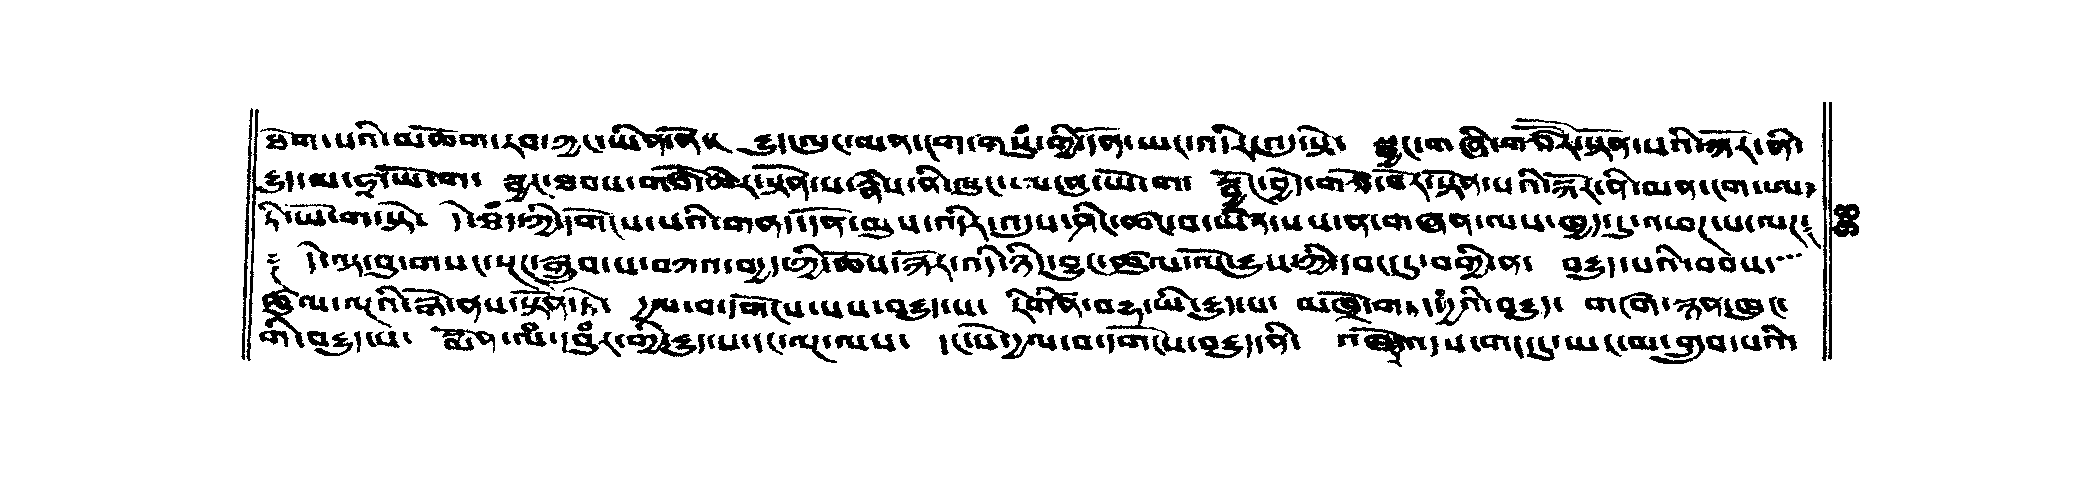ཐེག་པའི་མཆོག་རབ་ཀྱང་ཡིན་ནོ། རྒྱུད་ལུང་མན་ངག་གསུམ་གྱི་དོན་ཡང་འདིར་འདུ་སྟེ། སྦྱང་གཞི་གཙོ་བོར་སྟོན་པའི་སྐོར་ནི་
རྒྱུད་ལ་ཧཱ་ཡོ་ག སྦྱང་ཐབས་གཙོ་ཚེར་སྟོན་པ་རྣམས་ནི་ལུང་ཨ་ནུ་ཡོ་ག སྦྱོང་བྱེད་གཙོ་བོར་སྟོན་པའི་སྐོར་ནི་མན་ངག་ཨ་
ཏི་ཡོ་ག་སྟེ། དེ་ཐམས་ཅད་ཀྱི་དགོངས་པའི་གནད་དོན་མུས་འདིར་ལུས་ཤིང་ཚང་བ་ཡིན་པས་ན་གཞན་ལས་ཁྱད་དུ་འཕགས་པ་ལགས། 
༈ དེ་ལྟ་བུ་གསང་སྔགས་སྒྲུབ་པ་བཀའ་བརྒྱད་ཀྱི་ཆོས་སྐོར་འདི་ཉིད་བྱུང་ཚུལ་ལོ་རྒྱུས་ཀྱི་དབང་དུ་བགྱི་ན། བརྒྱུད་པའི་བབས་
ཚུལ་ལྔའི་སྒོ་ནས་སྟོན་ཏེ། རྒྱལ་བ་དགོངས་པས་བརྒྱུད་པ། རིག་འཛིན་བརྡ་ཡི་རྒྱུད་པ། མཁའ་འགྲོ་གཏད་བརྒྱའི་བརྒྱུད། གང་ཟག་སྙན་ཁུང་
གི་བརྒྱུད་པ། སྨོན་ལམ་དབང་བསྐུར་གྱི་རྒྱུད་པ་དང་ལྔ་ལས། དང་པོ་རྒྱལ་བ་དགོངས་བརྒྱུད་ནི། འཁོར་འདས་གང་དུ་ཡང་མ་གྲུབ་པའི་